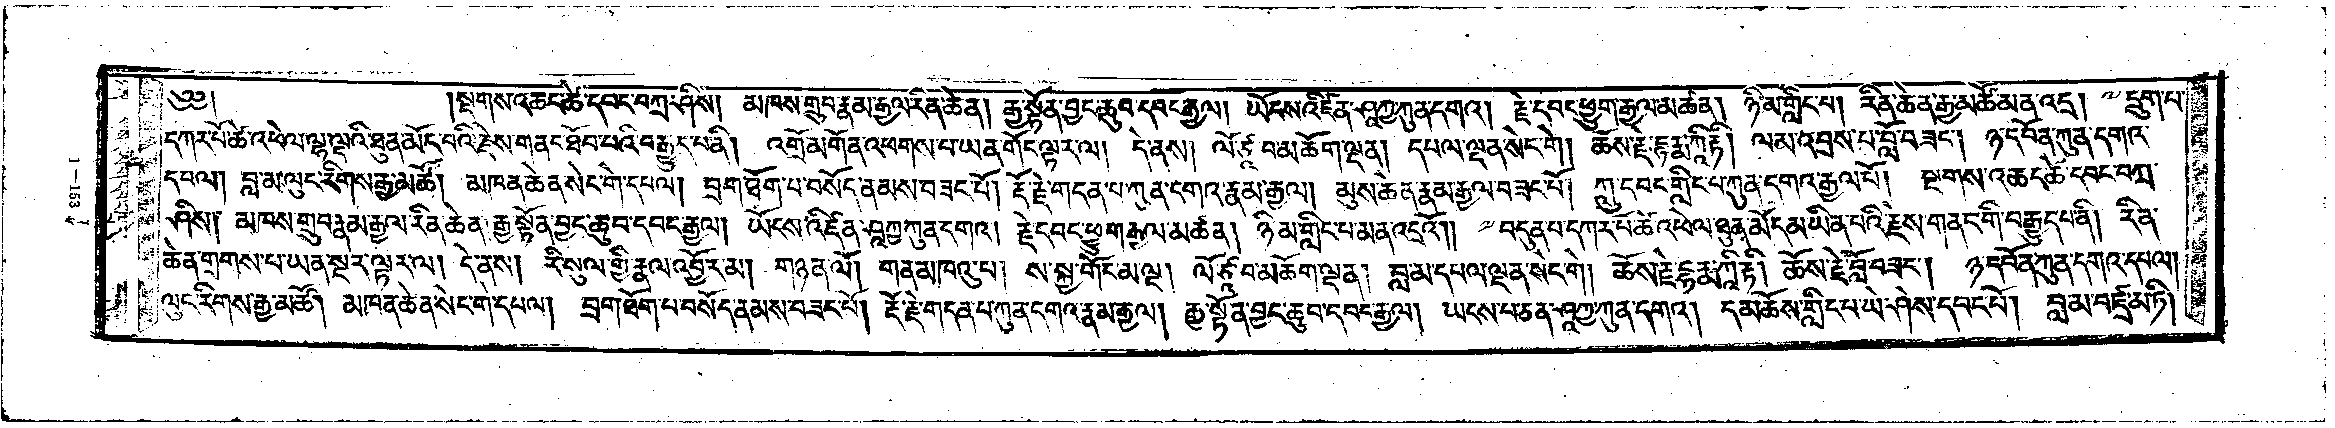༄༅། །སྔགས་འཆང་ཚེ་དབང་བཀྲ་ཤིས། མཁས་གྲུབ་རྣམ་རྒྱལ་རིན་ཆེན། རྒྱ་སྟོན་བྱང་ཆུབ་དབང་རྒྱལ། ཡོངས་འཛིན་ཤཱཀྱ་ཀུན་དགའ། རྗེ་དབང་ཕྱུག་རྒྱལ་མཚན། ཉི་མ་གླིང་པ། རིན་ཆེན་རྒྱ་མཚོ་མན་འདྲ། ༧དྲུག་པ་
དཀར་པོ་ཚེ་འཕེལ་ལྷ་ལྔའི་ཐུན་མོང་བའི་རྗེས་གནང་ཐོབ་པའི་བརྒྱུད་པ་ནི། འགྲོ་མགོན་འཕགས་པ་ཡན་གོང་ལྟར་ལ། དེ་ནས། ལོ་ཙཱ་བ་མཆོག་ལྡན། དཔལ་ལྡན་སེང་གེ། ཆོས་རྗེ་དྷ་རྨ་ཀཱི་རྟི། ལམ་འབྲས་པ་བློ་བཟང་། ཉ་དཔོན་ཀུན་དགའ་
དཔལ། བླ་མ་ལུང་རིགས་རྒྱ་མཚོ། མཁན་ཆེན་སེང་གེ་དཔལ། བྲག་ཐོག་པ་བསོད་ནམས་བཟང་པོ། རྡོ་རྗེ་གདན་པ་ཀུན་དགའ་རྣམ་རྒྱལ། མུས་ཆེན་རྣམ་རྒྱལ་བཟང་པོ། ཀླུ་དབང་གླིང་པ་ཀུན་དགའ་རྒྱལ་པོ། སྔགས་འཆང་ཚེ་དབང་བཀྲ་
ཤིས། མཁས་གྲུབ་རྣམ་རྒྱལ་རིན་ཆེན་རྒྱ་སྟོན་བྱང་ཆུབ་དབང་རྒྱལ། ཡོངས་འཛིན་ཤཱཀྱ་ཀུན་དགའ། རྗེ་དབང་ཕྱུག་རྒྱལ་མཚན། ཉི་མ་གླིང་པ་མན་འདྲའོ།། ༧བདུན་པ་དཀར་པོ་ཚེ་འཕེལ་ཐུན་མོང་མ་ཡིན་པའི་རྗེས་གནང་གི་བརྒྱུད་པ་ནི། རིན་
ཆེན་གྲགས་པ་ཡན་སྔར་ལྟར་ལ། དེ་ནས། རི་སུལ་གྱི་རྣལ་འབྱོར་མ། གཉན་ལོ། གནམཁཱུ་པ། ས་སྐྱ་གོང་མ་ལྔ། ལོ་ཙཱ་བ་མཆོག་ལྡན། བླ་མ་དཔལ་ལྡན་སེང་གེ། ཆོས་རྗེ་དྷ་རྨ་ཀཱི་རྟི། ཆོས་རྗེ་བློ་བཟང་། ཉ་དཔོན་ཀུན་དགའ་དཔལ།
ལུང་རིགས་རྒྱ་མཚོ། མཁན་ཆེན་སེང་གེ་དཔལ། བྲག་ཐོག་པ་བསོད་ནམས་བཟང་པོ། རྡོ་རྗེ་གདན་པ་ཀུན་དགའ་རྣམ་རྒྱལ། རྒྱ་སྟོན་བྱང་ཆུབ་དབང་རྒྱལ། ཡངས་པ་ཅན་ཤཱཀྱ་ཀུན་དགའ། དམ་ཆོས་གླིང་པ་ཡེ་ཤེས་དབང་པོ། བླ་མ་བཛྲ་མ་ཏི།